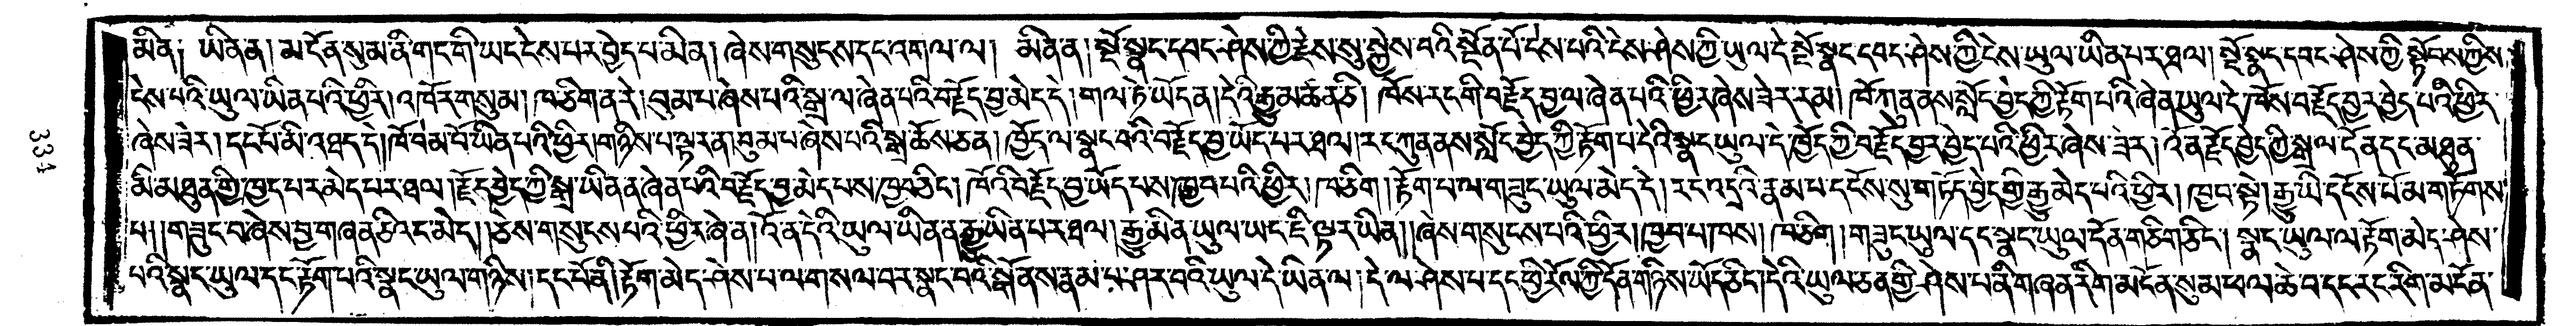མིན༑ ཡིན་ན། མངོན་སུམ་ནི་གང་གི་ཡང་ངེས་པར་བྱེད་པ་མིན། ཞེས་གསུངས་དང་འགལ་ལ། མིན་ན། སྔོ་སྣང་དབང་ཤེས་ཀྱི་རྗེས་སུ་སྐྱེས་པའི་སྔོན་པོ་ངེས་པའི་ངེས་ཤེས་ཀྱི་ཡུལ་དེ་སྔོ་སྣང་དབང་ཤེས་ཀྱི་ངེས་ཡུལ་ཡིན་པར་ཐལ། སྔོ་སྣང་དབང་ཤེས་ཀྱི་སྟོབས་ཀྱིས་
ངེས་པའི་ཡུལ་ཡིན་པའི་ཕྱིར། འཁོར་གསུམ། ཁ་ཅིག་ན་རེ། བུམ་པ་ཞེས་པའི་སྒྲ་ལ་ཞེན་པའི་བརྗོད་བྱ་མེད་དེ། གལ་ཏེ་ཡོད་ན། དེའི་རྒྱུ་མཚན་ཅི། ཁོས་རང་གི་བརྗོད་བྱ་ལ་ཞེན་པའི་ཕྱིར་ཞེས་ཟེར་རམ། ཁོ་ཀུན་ནས་སློང་བྱེད་ཀྱི་རྟོག་པའི་ཞེན་ཡུལ་དེ་ཁོས་བརྗོད་བྱར་བྱེད་པའི་ཕྱིར་
ཞེས་ཟེར། དང་པོ་མི་འཐད་དེ། ཁོ་བེམ་པོ་ཡིན་པའི་ཕྱིར། གཉིས་པ་ལྟར་ན། བུམ་པ་ཞེས་པའི་སྒྲ་ཆོས་ཅན། ཁྱོད་ལ་སྣང་བའི་བརྗོད་བྱ་ཡོད་པར་ཐལ། རང་ཀུན་ནས་སློང་བྱེད་ཀྱི་རྟོག་པ་དེའི་སྣང་ཡུལ་དེ་ཁྱོད་ཀྱི་བརྗོད་བྱར་བྱེད་པའི་ཕྱིར་ཞེས་ཟེར། འོ་ན་རྗོད་བྱེད་ཀྱི་སྒྲ་ལ་དོན་དང་མཐུན་
མི་མཐུན་གྱི་ཁྱད་པར་མེད་པར་ཐལ། རྗོད་བྱེད་ཀྱི་སྒྲ་ཡིན་ན་ཞེན་པའི་བརྗོད་བྱ་མེད་པས་ཁྱབ་ཅིང་། ཁོའི་བརྗོད་བྱ་ཡོད་པས་ཁྱབ་པའི་ཕྱིར། ཁ་ཅིག །རྟོག་པ་ལ་གཟུང་ཡུལ་མེད་དེ། རང་འདྲའི་རྣམ་པ་དངོས་སུ་གཏོད་བྱེད་ཀྱི་རྒྱུ་མེད་པའི་ཕྱིར། ཁྱབ་སྟེ། རྒྱུ་ཡི་དངོས་པོ་མ་གཏོགས་
པ༑ ༑གཟུང་བ་ཞེས་བྱ་གཞན་ཅིའང་མེད། །ཅེས་གསུངས་པའི་ཕྱིར་ཞེ་ན། འོ་ན་དེའི་ཡུལ་ཡིན་ན་རྒྱུ་ཡིན་པར་ཐལ། རྒྱུ་མིན་ཡུལ་ཡང་ཇི་ལྟར་ཡིན། །ཞེས་གསུངས་པའི་ཕྱིར། ཁྱབ་པ་ཁས། ཁ་ཅིག །གཟུང་ཡུལ་དང་སྣང་ཡུལ་དོན་གཅིག་ཅིང་། སྣང་ཡུལ་ལ་རྟོག་མེད་ཤེས་
པའི་སྣང་ཡུལ་དང་རྟོག་པའི་སྣང་ཡུལ་གཉིས། དང་པོ་ནི། རྟོག་མེད་ཤེས་པ་ལ་གསལ་བར་སྣང་བའི་སྒོ་ནས་རྣམ་པ་ཤར་བའི་ཡུལ་དེ་ཡིན་ལ། དེ་ལ་ཤེས་པ་དང་ཕྱི་རོལ་གྱི་དོན་གཉིས་ཡོད་ཅིང་། དེའི་ཡུལ་ཅན་གྱི་ཤེས་པ་ནི་གཞན་རིག་མངོན་སུམ་ཕལ་ཆེ་བ་དང་རང་རིག་མངོན་